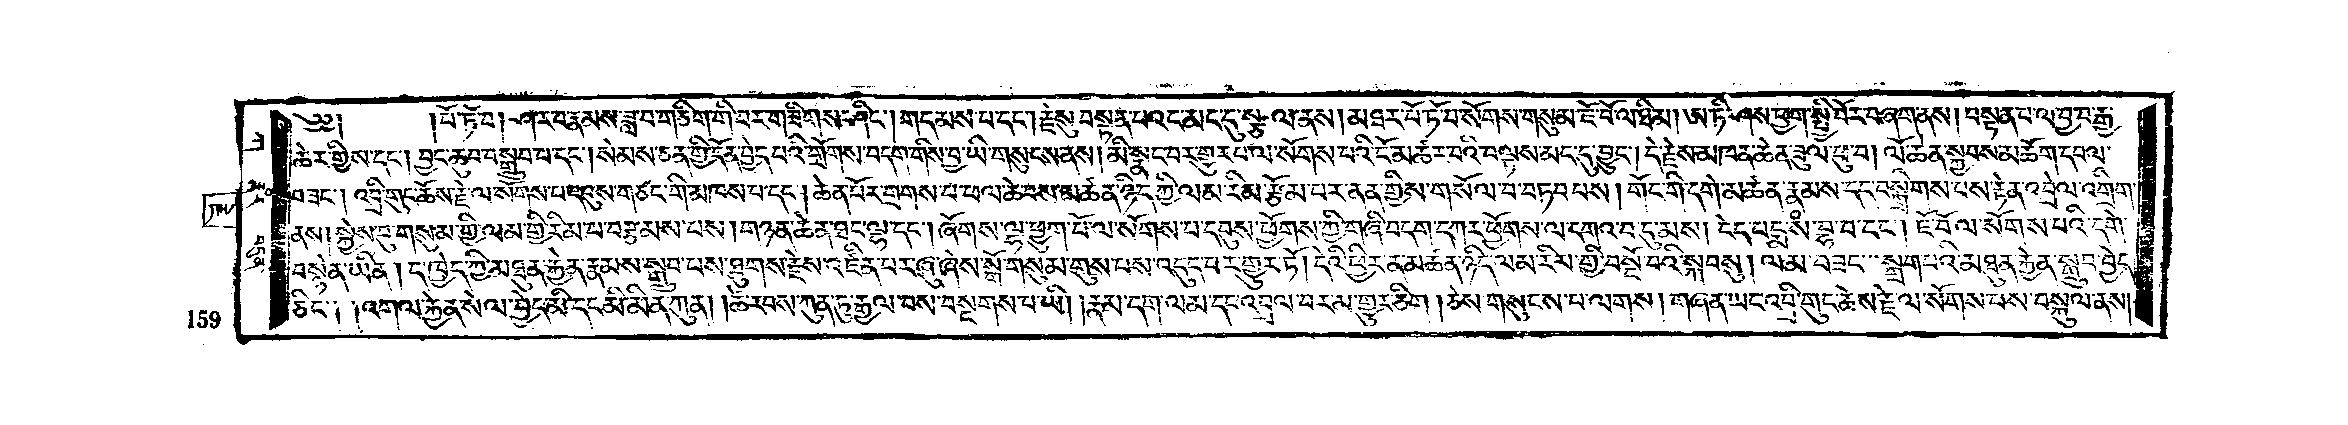༄༅། །པོ་ཏོ་བ། ཤར་བ་རྣམས་ཟླ་བ་གཅིག་གི་བར་གཟིགས་ཤིང་། གདམས་པ་དང་། རྗེས་སུ་བསྟན་པའང་མང་དུ་སྩལ་ནས། མཐར་པོ་ཏོ་བ་སོགས་གསུམ་ཇོ་བོ་ལ་ཐིམ། ཨ་ཏི་ཤས་ཕྱག་སྤྱི་བོར་བཞག་ནས། བསྟན་པ་ལ་བྱ་བ་རྒྱ་
ཆེར་གྱིས་དང་། བྱང་ཆུབ་བསྒྲུབ་པ་དང་། སེམས་ཅན་གྱི་དོན་བྱེད་པའི་གྲོགས་བདག་གིས་བྱ་ཡི་གསུངས་ནས། མི་སྣང་བར་གྱུར་པ་ལ་སོགས་པའི་ངོ་མཚར་བའི་བལྟས་མང་དུ་བྱུང་། དེ་རྗེས་མཁན་ཆེན་ཟུལ་ཕུ་བ། ལོ་ཆེན་སྐྱབས་མཆོག་དཔལ་
བཟང་། འབྲི་གུང་ཆོས་རྗེ་ལ་སོགས་པ་དབུས་གཙང་གི་མཁས་པ་དང་། ཆེན་པོར་གྲགས་པ་ཕལ་ཆེ་བས་མཚན་ཉིད་ཀྱི་ལམ་རིམ་རྩོམ་པར་ནན་གྱིས་གསོལ་བ་བཏབ་པས། གོང་གི་དགེ་མཚན་རྣམས་དང་བསྒྲིགས་པས་རྟེན་འབྲེལ་འགྲིག་
ནས། སྐྱེས་བུ་གསུམ་གྱི་ལམ་གྱི་རིམ་པ་བརྩམས་པས། གཉན་ཆེན་ཐང་ལྷ་དང་། ཞོགས་ལྷ་ཕྱུག་པོ་ལ་སོགས་པ་དབུས་ཕྱོགས་ཀྱི་གཞི་བདག་དཀར་ཕྱོགས་ལ་དགའ་བ་དུ་མས། ངེད་པདམ་སཾ་བྷ་བ་དང་། ཇོ་བོ་ལ་སོགས་པའི་དགེ་
བསྙེན་ཡིན། ད་ཁྱེད་ཀྱི་མཐུན་རྐྱེན་རྣམས་སྒྲུབ་པས་ཐུགས་རྗེས་འཛིན་པར་ཞུ་ཞེས་སྒོ་གསུམ་གུས་པས་འདུད་པར་གྱུར་ཏོ། དེའི་ཕྱིར་ན་མཚན་ཉིད་ལམ་རིམ་གྱི་བསྔོ་བའི་སྐབས་སུ། ལམ་བཟང་སྒྲག་པའི་མཐུན་རྐྱེན་སྒྲུབ་བྱེད་
ཅིང༑ ༑འགལ་རྐྱེན་སེལ་བྱེད་མི་དང་མི་མིན་ཀུན། །ཚེ་རབས་ཀུན་ཏུ་རྒྱལ་བས་བསྔགས་པ་ཡི། ༑རྣམ་དག་ལམ་དང་འབྲལ་བར་མ་གྱུར་ཅིག །ཅེས་གསུངས་པ་ལགས། གཞན་ཡང་འབྲི་གུང་ཆེས་རྗེ་ལ་སོགས་པས་བསྐུལ་ནས།